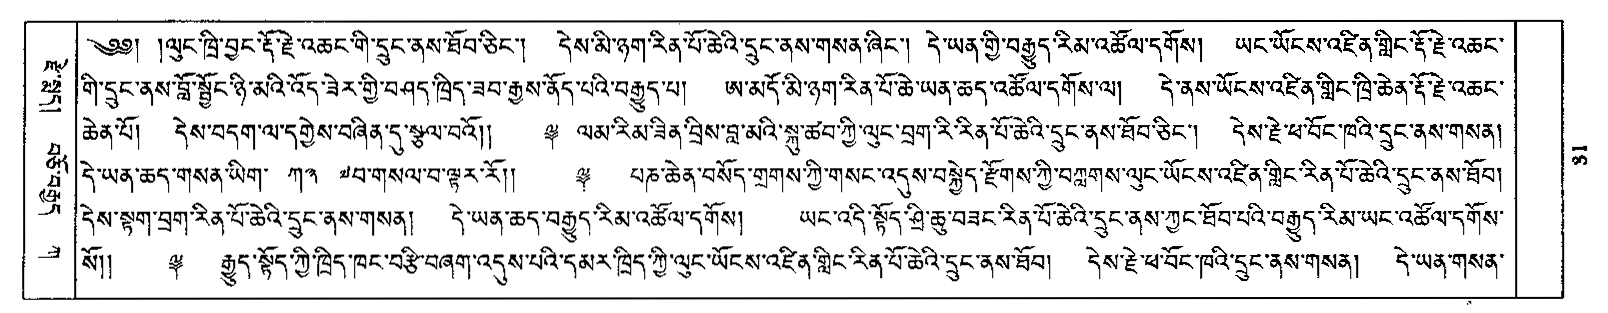༄༅། །ལུང་ཁྲི་བྱང་རྡོ་རྗེ་འཆང་གི་དྲུང་ནས་ཐོབ་ཅིང་། དེས་མི་ཉག་རིན་པོ་ཆེའི་དྲུང་ནས་གསན་ཞིང་། དེ་ཡང་གྱི་བརྒྱུད་རིམ་འཚོལ་དགོས། ཡང་ཡོངས་འཛིན་གླིང་རྡོ་རྗེ་འཆང་
གི་དྲུང་ནས་བློ་སྦྱོང་ཉི་མའི་འོད་ཟེར་གྱི་བཤད་ཁྲིད་ཟབ་རྒྱས་ནོད་པའི་བརྒྱུད་པ། ཨ་མདོ་མི་ཉག་རིན་པོ་ཆེ་ཡན་ཆད་འཚོལ་དགོས་ལ། དེ་ནས་ཡོངས་འཛིན་གླིང་ཁྲི་ཆེན་རྡོ་རྗེ་འཆང་
ཆེན་པོ། དེས་བདག་ལ་དགྱེས་བཞིན་དུ་སྩལ་བའོ།། ༈ ལམ་རིམ་ཟིན་བྲིས་བླ་མའི་སྐུ་ཚབ་ཀྱི་ལུང་བྲག་རི་རིན་པོ་ཆེའི་དྲུང་ནས་ཐོབ་ཅིང་། དེས་རྗེ་ཕ་བོང་ཁའི་དྲུང་ནས་གསན།
དེ་ཡན་ཆད་གསན་ཡིག་ཀ ༣ ༧་བ་གསལ་བ་ལྟར་རོ།། ༈ པཎ་ཆེན་བསོད་གྲགས་ཀྱི་གསང་འདུས་བསྐྱེད་རྫོགས་ཀྱི་བཀླགས་ལུང་ཡོངས་འཛིན་གླིང་རིན་པོ་ཆེའི་དྲུང་ནས་ཐོབ།
དེས་སྟག་བྲག་རིན་པོ་ཆེའི་དྲུང་ནས་གསན། དེ་ཡན་ཆད་བརྒྱུད་རིམ་འཚོལ་དགོས། ཡང་འདི་སྟོད་ཤྲི་ཆུ་བཟང་རིན་པོ་ཆེའི་དྲུང་ནས་ཀྱང་ཐོབ་པའི་བརྒྱུད་རིམ་ཡང་འཚོལ་དགོས་
སོ།། ༈ རྒྱུད་སྟོད་ཀྱི་ཁྲིད་ཁང་བརྩི་བཞག་འདུས་པའི་དམར་ཁྲིད་ཀྱི་ལུང་ཡོངས་འཛིན་གླིང་རིན་པོ་ཆེའི་དྲུང་ནས་ཐོབ། དེས་རྗེ་ཕ་བོང་ཁའི་དྲུང་ནས་གསན། དེ་ཡང་གསན་